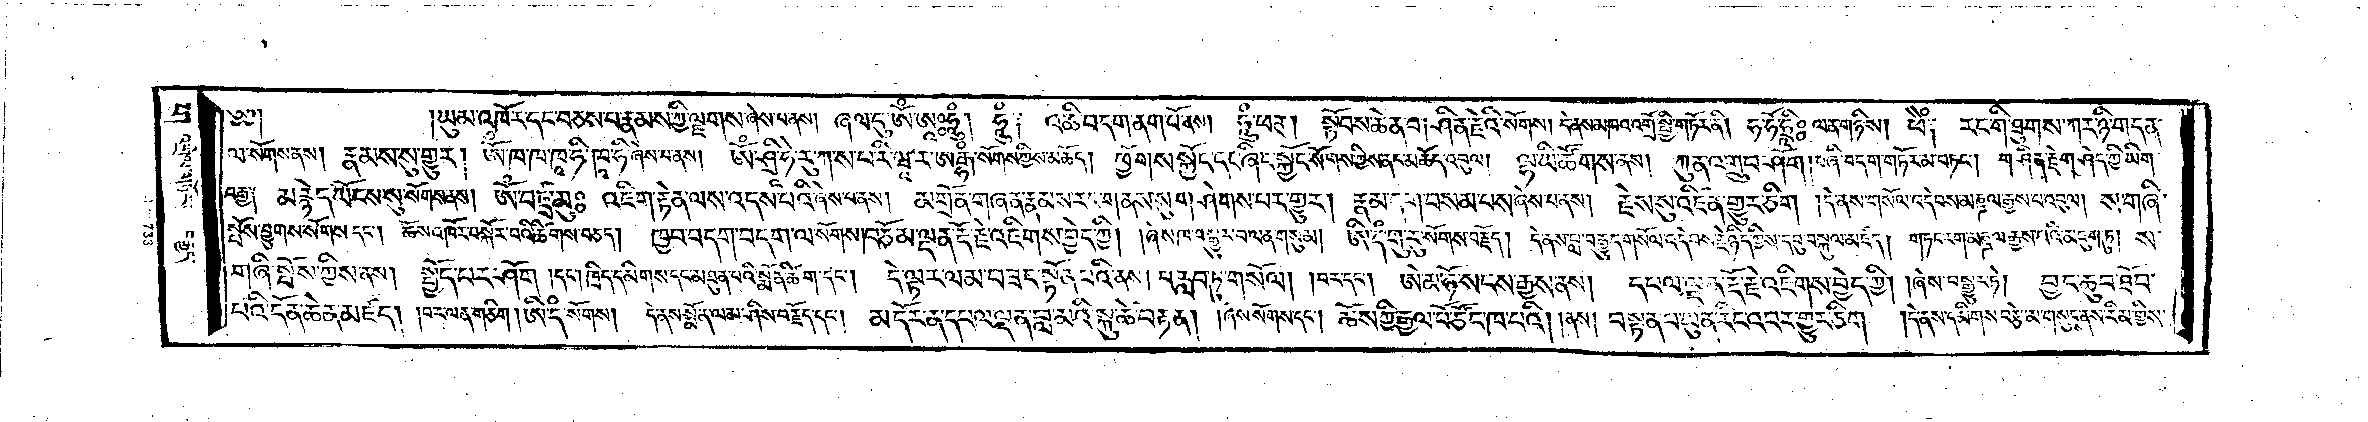༄༅། །ཡུམ་འཁོར་དང་བཅས་པ་རྣམས་ཀྱི་ལྗགས་ཞེས་པ་ནས།  ཞལ་དུ་ཨོཾ་ཨཱཿཧཱུཾ། ཧཱུཾ༑ འཆི་བདག་ནག་པོ་ནས། ཧཱུཾ་ཕཊ། སྟོབས་ཆེན་བ། ཤིན་རྗེའི་སོགས། དེ་ནས་མཁའ་འགྲོ་སྤྱི་གཏོར་ནི། ཧ་ཧོ་ཧྲཱིཿ ལན་གཉིས།  ཕཻཾ༑ རང་གི་ཐུགས་ཀར་ཉི་གདན་
ལ་སོགས་ནས།  རྣམས་སུ་གྱུར། ཨོཾ་ཁ་ཁ་ཁཱ་ཧི་ཁཱ་ཧི་ཞེས་པ་ནས།  ཨོཾ་ཤྲཱི་ཧེ་རུ་ཀ་ས་པ་རི་ཝཱ་ར་ཨརྒྷཾ་སོགས་ཀྱིས་མཆོད།  ཕྱོགས་སྐྱོང་དང་ཞིང་སྐྱོང་སོགས་ཀྱིས་ནང་མཆོད་འབུལ།  ལྷ་ཡི་ཚོགས་ནས། ཀུན་འགྲུབ་ཤོག། བཞི་བདག་གཏོར་མ་བཏང་། གཤིན་རྗེ་གཤེད་ཀྱི་ཡིག་
བརྒྱ༑ མ་རྙེད་ཡོངས་སུ་སོགས་ནས།  ཨོཾ་བཛྲ་མུཿ འཇིག་རྟེན་ལས་འདས་པའི་ཞེས་པ་ནས།  མགྲོན་གཞན་རྣམས་རང་གནས་སུ་གཤེགས་པར་གྱུར། རྣམ་དག་བསམ་པས་ཞེས་པ་ནས།  རྗེས་སུ་འཛིན་གྱུར་ཅིག་།དེ་ནས་གསོལ་འདེབས་མཎྜལ་རྒྱས་པ་འབུལ།  ས་གཞི་
སྤོས་བྱུགས་སོགས་དང་། ཆོས་འཁོར་བསྐོར་བའི་ཚིགས་བཅད།  ཁྱབ་བདག་བདག་ལ་སོགས།  བཅོམ་ལྡན་རྡོ་རྗེ་འཇིགས་བྱེད་ཀྱི། །ཞེས་ཁ་བསྒྱུར་བ་ལན་གསུམ།  ཨི་དཾ་གུ་རུ་སོགས་བརྗོད། དེ་ནས་བླ་བརྒྱུད་གསོལ་འདེབས་རྗེ་ཉིད་ཀྱིས་དབུ་བསྐུལ་མཛད། གཏང་རག་མཎྜལ་རྒྱས་པའི་མཇུག་ཏུ།  ས་
གཞི་སྤོས་ཀྱིས་ནས། སྤྱོད་པར་ཤོག ། དང་། ཁྲིད་དམིགས་དང་མཐུན་པའི་སྨོན་ཚིག་དང་།  དེ་ལྟར་ལམ་བཟང་སྟོན་པའི་ནས།  བརླབ་ཏུ་གསོལ། །བར་དང་།  ཨེ་མ་ཧོ་སངས་རྒྱས་ནས། དཔལ་ལྡན་རྡོ་རྗེ་འཇིགས་བྱེད་ཀྱི། །ཞེས་བསྒྱུར་ཏེ།  བྱང་ཆུབ་ཐོབ་
པའི་དོན་ཆེན་མཛད། །བར་ལན་གཅིག །  །ཨི་དཾ་སོགས། དེ་ནས་སྨོན་ལམ་ཤིས་བརྗོད་དང་།  མདོར་ན་དཔལ་ལྡན་བླ་མའི་སྐུ་ཚེ་བརྟན། །ཞེས་སོགས་དང་།  ཆོས་ཀྱི་རྒྱལ་པོ་ཙོང་ཁ་པའི། །ནས།  བསྟན་པ་ཡུན་རིང་འབར་གྱུར་ཅིག །དེ་ནས་དམིགས་བརྩེ་མ་གསུངས་ནས་རིམ་གྱིས་